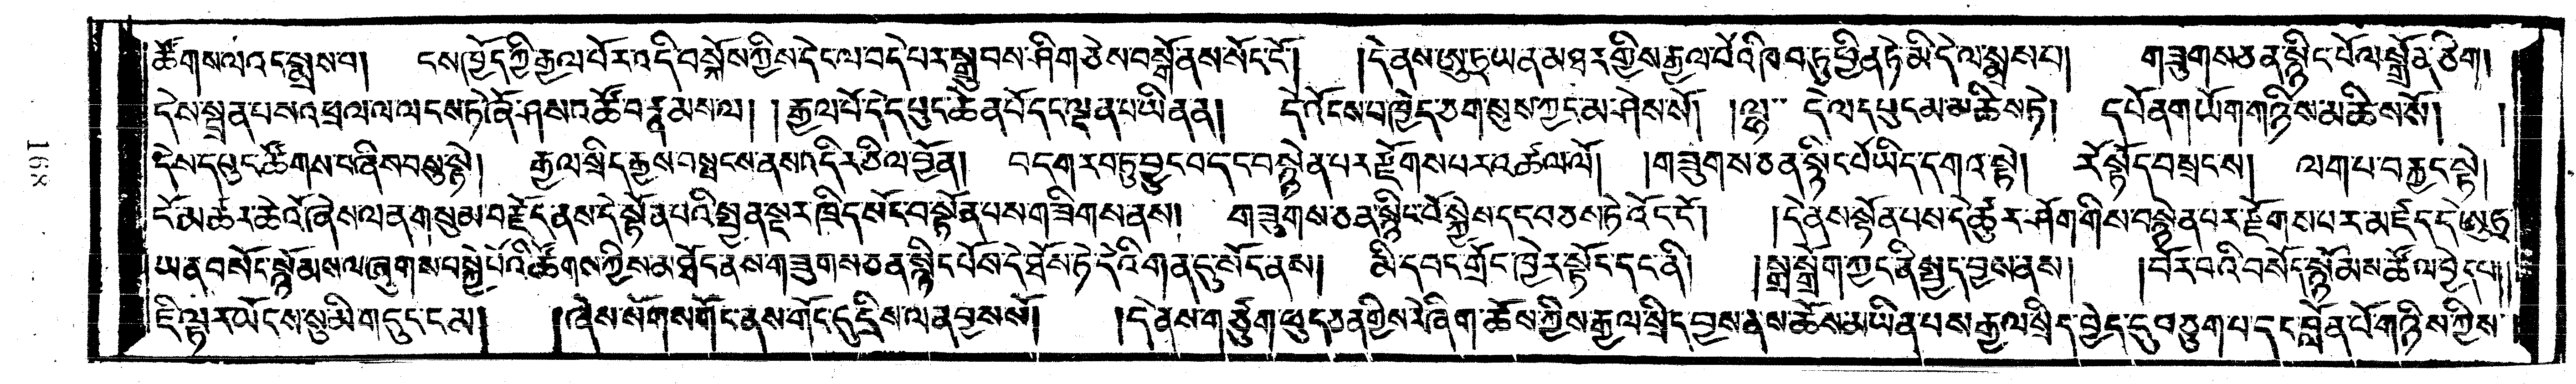ཚོགས་ལའང་སྨྲས་པ། ངས་ཁྱོད་ཀྱི་རྒྱལ་པོར་འདི་བསྐོས་ཀྱིས་དེང་ལ་བདེ་པར་སྒྲུབས་ཤིག་ཅེས་བསྒོ་ནས་སོང་ངོ། །དེ་ནས་ཨུ་ཏྲ་ཡ་ན་མཐར་གྱིས་རྒྱལ་བོའི་ཁབ་ཏུ་ཕྱིན་ཏེ་མི་དེ་ལ་སྨྲས་པ། གཟུགས་ཅན་སྙིང་པོ་ལ་སྒྲོན་ཅིག།
དེས་སྦྲན་པས་འཕྲལ་ལ་ལངས་ཏེ་ཞོ་ཤས་འཚོ་བ་རྣམས་ལ། །རྒྱལ་པོ་དེ་དཔུང་ཆེན་པོ་དང་ལྡན་པ་ཡིན་ན། དེ་འོངས་པ་ཁྱེད་ཅག་སུས་ཀྱང་མ་ཤེས་སོ། །ལྷ་དེ་ལ་དཔུང་མ་མཆིས་ཏེ། དཔོན་གཡོག་གཉིས་མཆིས་སོ། །
དེས་དཔུང་ཚོགས་བཞིས་བསུ་སྟེ། རྒྱལ་སྲིད་རྒྱས་བ་སྤངས་ནས་འདིར་ཅི་ལ་བྱོན། བདག་རབ་ཏུ་བྱུང་བ་དང་བསྙེན་པར་རྫོགས་པར་འཚལ་ལོ། །གཟུགས་ཅན་སྙིང་པོ་ཡིད་དགའ་སྟེ། རོ་སྟོད་བསྲང་ས། ལག་པ་བརྐྱང་སྟེ།
ངོ་མཚར་ཆེའོ་ཞེས་ལན་གསུམ་བརྗོད་ནས་དེ་སྟོན་པའི་སྤྱན་སྔར་ཁྲིད་སོང་བ་སྟོན་པས་གཟིགས་ནས། གཟུགས་ཅན་སྙིང་པོ་སྐྱེས་དང་བཅས་ཏེ་འོང་ངོ། །དེ་ནས་སྟོན་པས་དེ་ཚུར་ཤོག་གིས་བསྙེན་པར་རྫོགས་པར་མཛད་དེ་ཨུཏྲ་
ཡ་ན་བསོད་སྙོམས་ལ་ཞུགས་པ་སྐྱེ་པོའི་ཚོགས་ཀྱིས་མཐོང་ནས་གཟུགས་ཅན་སྙིང་པོས་དེ་ཐོས་ཏེ་དེའི་གན་དུ་སོང་ནས། མི་དབང་གྲོང་ཁྱེར་སྟོང་དང་ནི། །སྒྲ་སྒྲོག་ཀྱང་ནི་སྤྱད་བྱས་ནས། །བོར་བའི་བསོད་སྙོམས་ཚོལ་བྱེད་པ།།
ཇི་ལྟར་ཡོངས་སུ་མི་གདུང་ངམ། །ཞེས་སོགས་གོང་ནས་གོང་དུ་དྲིས་ལན་བྱས་སོ། །དེ་ནས་གཙུག་ཕུད་ཅན་གྱིས་རེ་ཞིག་ཆོས་ཀྱིས་རྒྱལ་སྲིད་བྱས་ནས་ཆོས་མ་ཡིན་པས་རྒྱལ་སྲིད་བྱེད་དུ་བཅུག་པ་དང་བློན་པོ་གཉིས་ཀྱིས་